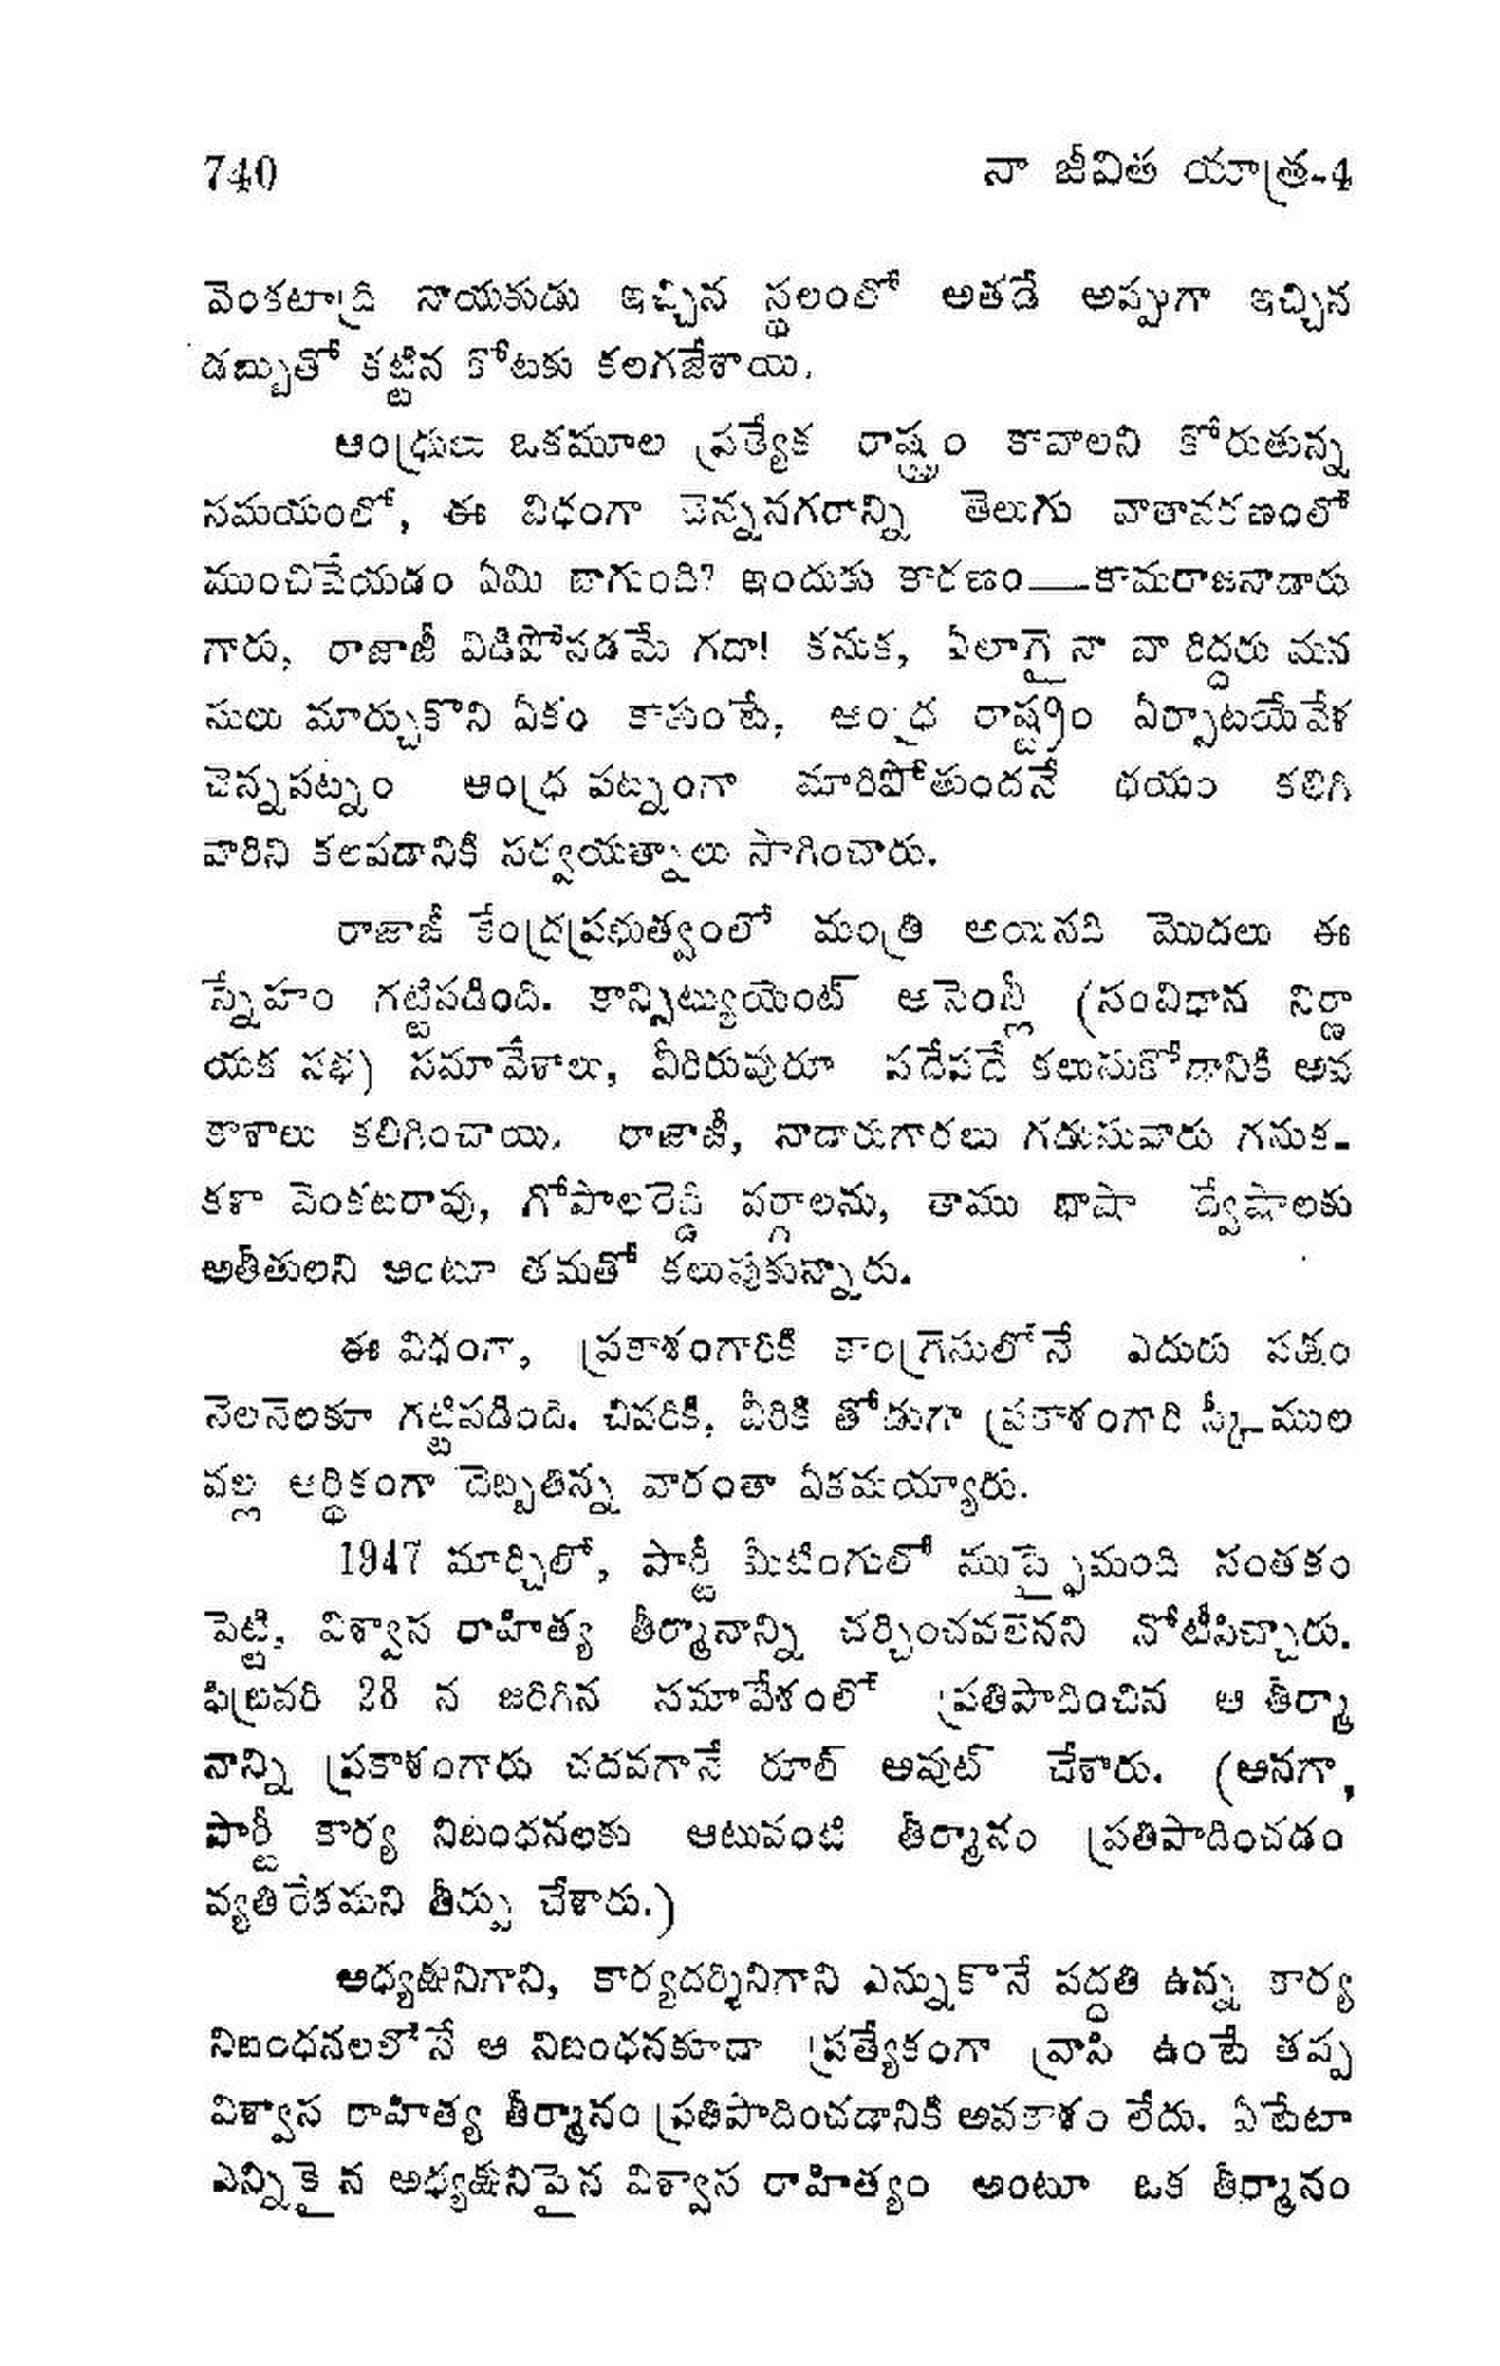వెంకటాద్రి నాయకుడు ఇచ్చిన స్థలంలో అతడే అప్పుగా ఇచ్చిన డబ్బుతో కట్టిన కోటకు కలగజేశాయి.

ఆంధ్రులు ఒకమూల ప్రత్యేక రాష్ట్రం కావాలని కోరుతున్న సమయంలో, ఈ విధంగా చెన్ననగరాన్ని తెలుగు వాతావరణంలో ముంచివేయడం ఏమి బాగుంది? ఇందుకు కారణం - కామరాజనాడారు గారు, రాజాజీ విడిపోవడమే గదా! కనుక, ఏలాగైనా వా రిద్దరు మనసులు మార్చుకొని ఏకం కాకుంటే, ఆంధ్ర రాష్ట్రం ఏర్పాటయేవేళ చెన్నపట్నం ఆంధ్ర పట్నంగా మారిపోతుందనే భయం కలిగి వారిని కలపడానికి సర్వప్రయత్నాలు సాగించారు.

రాజాజీ కేంద్రప్రభుత్వంలో మంత్రి అయినది మొదలు ఈ స్నేహం గట్టిపడింది. కాన్సిట్యుయెంట్ అసెంబ్లీ (సంవిధాన నిర్ణాయక సభ) సమావేశాలు, వీరిరువురూ పదేపదే కలుసుకోడానికి అవకాశాలు కలిగించాయి. రాజాజీ, నాడారుగారలు గడుసువారు గనుక - కళా వెంకటరావు, గోపాలరెడ్డి వర్గాలను, తాము భాషా ద్వేషాలకు అతీతులని అంటూ తమతో కలుపుకున్నారు.

ఈ విధంగా, ప్రకాశంగారికి కాంగ్రెసులోనే ఎదురు పక్షం నెలనెలకూ గట్టిపడింది. చివరికి, వీరికి తోడుగా ప్రకాశంగారి స్కీముల వల్ల ఆర్థికంగా దెబ్బతిన్న వారంతా ఏకమయ్యారు.

1947 మార్చిలో, పార్టీ మీటింగులో ముప్పైమంది సంతకం పెట్టి, విశ్వాస రాహిత్య తీర్మానాన్ని చర్చించవలెనని నోటీసిచ్చారు. ఫిబ్రవరి 28 న జరిగిన సమావేశంలో ప్రతిపాదించిన ఆ తీర్మానాన్ని ప్రకాశంగారు చదవగానే రూల్ అవుట్ చేశారు. (అనగా, పార్టీ కార్య నిబంధనలకు అటువంటి తీర్మానం ప్రతిపాదించడం వ్యతిరేకమని తీర్పు చేశారు.)

అధ్యక్షునిగాని, కార్యదర్శినిగాని ఎన్నుకొనే పద్ధతి ఉన్న కార్య నిబంధనలలోనే ఆ నిబంధనకూడా ప్రత్యేకంగా వ్రాసి ఉంటే తప్ప విశ్వాస రాహిత్య తీర్మానం ప్రతిపాదించడానికి అవకాశం లేదు. ఏటేటా ఎన్నికైన అధ్యక్షునిపైన విశ్వాస రాహిత్యం అంటూ ఒక తీర్మానం